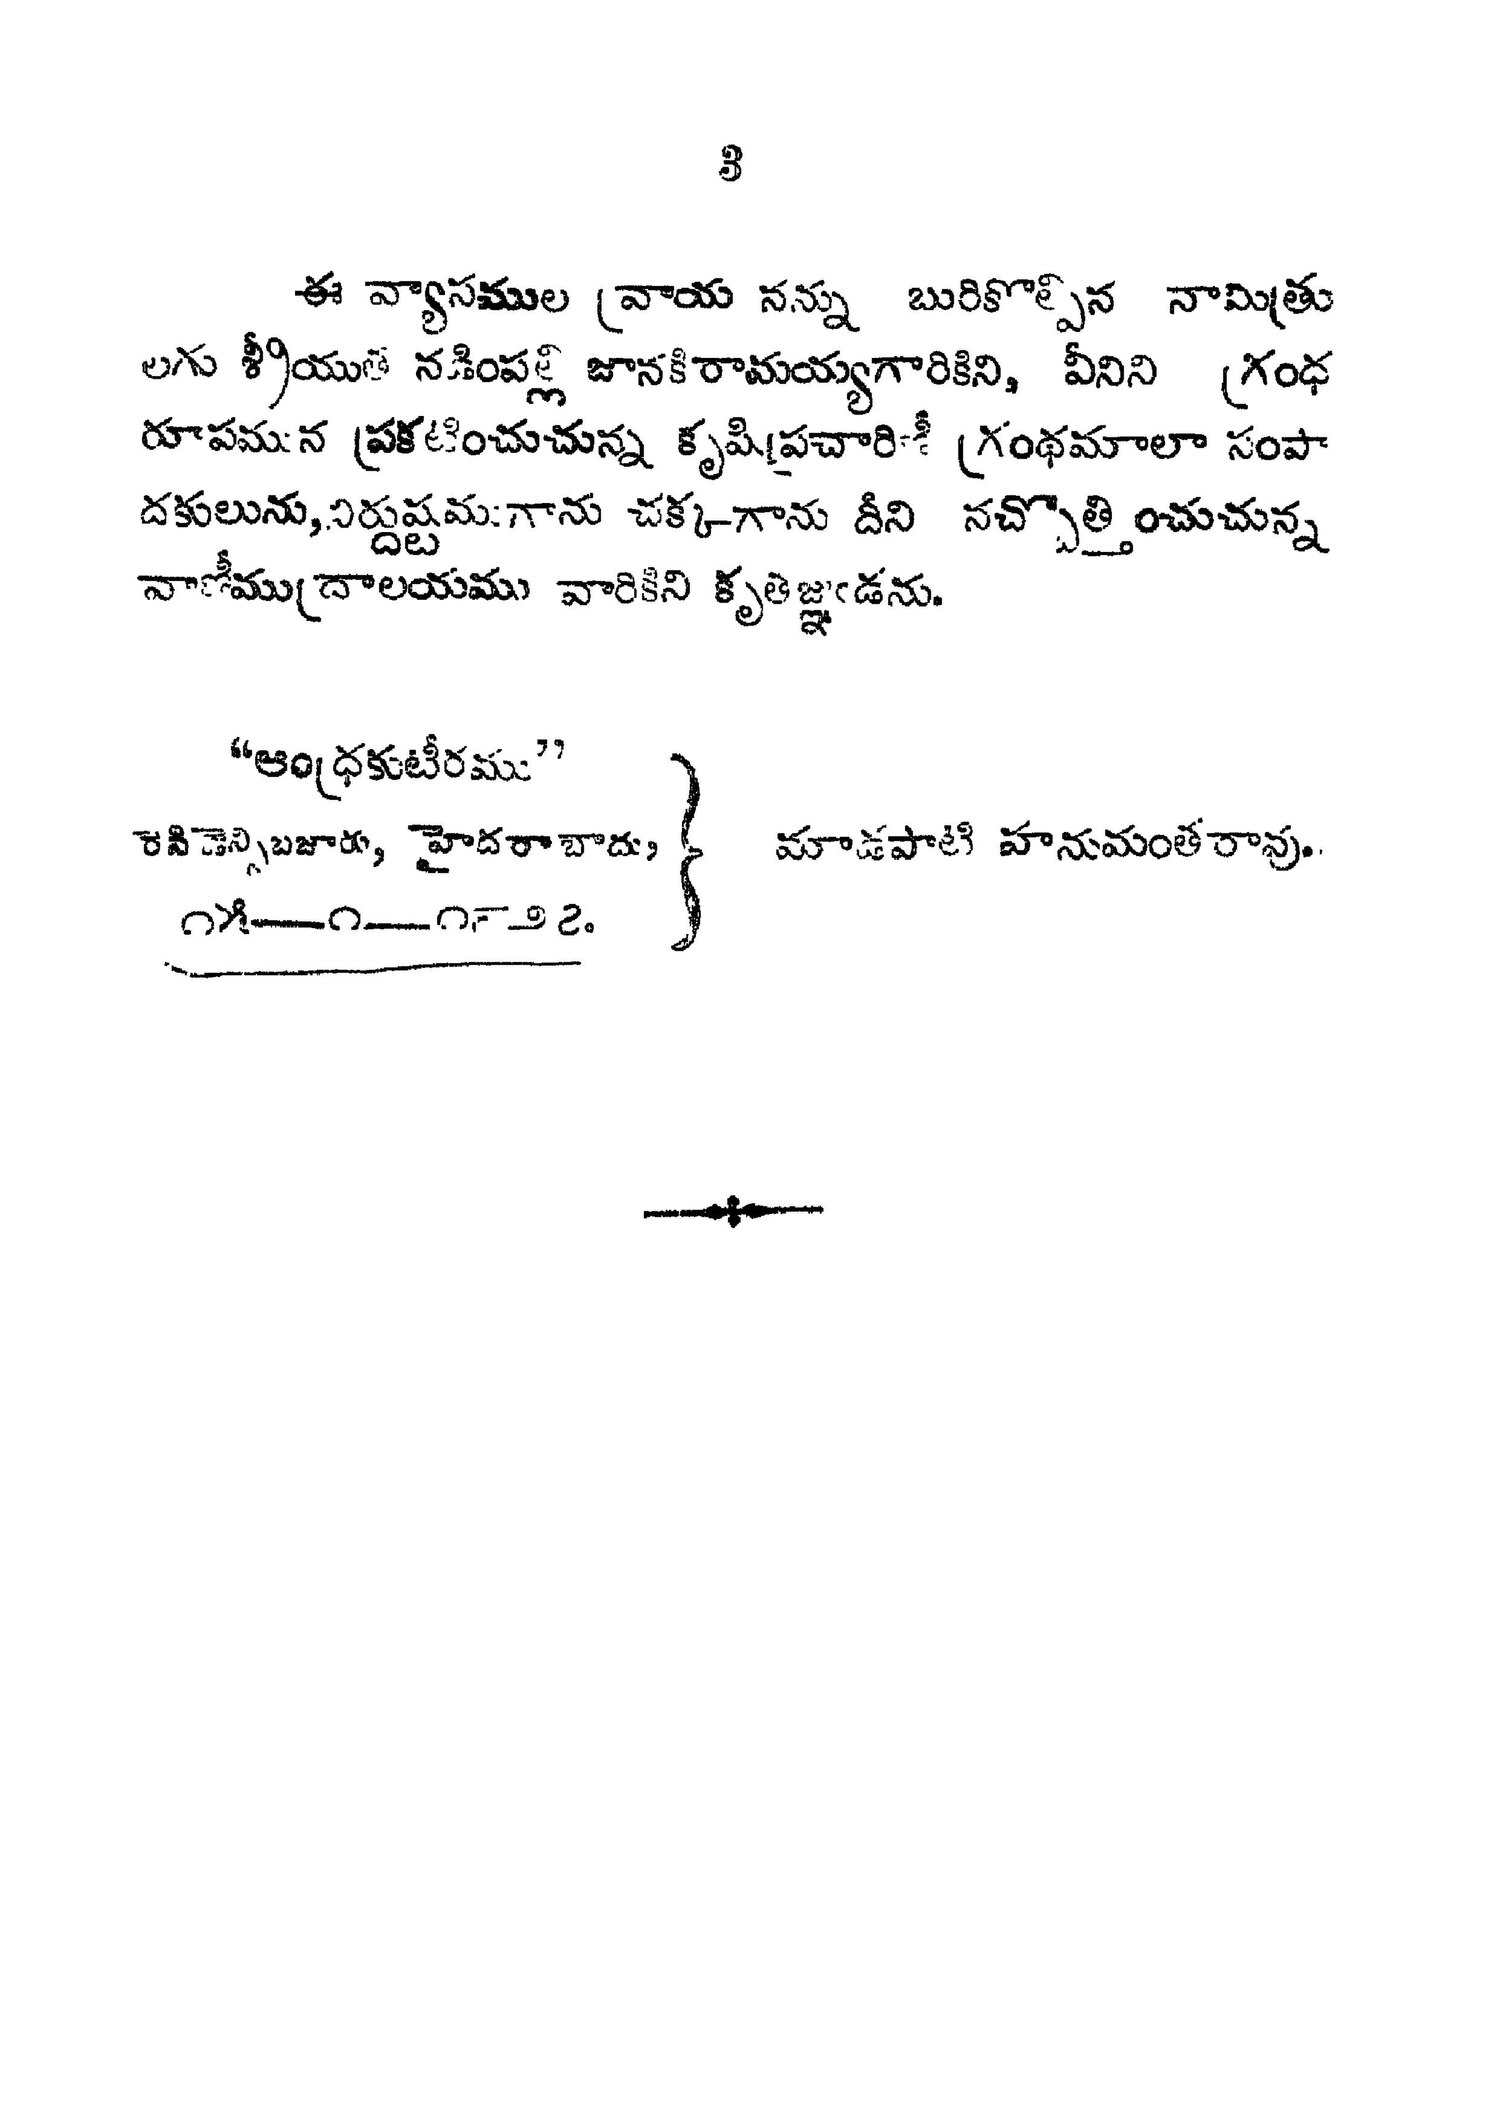ఈ వ్యాసముల వ్రాయ నన్ను బురికొల్పిన నామిత్రులగు శ్రీయుత నడింపల్లి జానకిరామయ్యగారికిని, వీనిని గ్రంథరూపమున ప్రకటించుచున్న కృషిప్రచారిణీ గ్రంథమాలా సంపాదకులును, నిర్దుష్టముగాను చక్కగాను దీని నచ్చొత్తించుచున్న వాణీముద్రాలయము వారికిని కృతజ్ఞఉడను.

ఆంధ్రకుటీరము

రెసిడెన్సిబజారు, హైదరాబాదు,

15-1-1927.

మాడపాటి హనుమంతరావు.